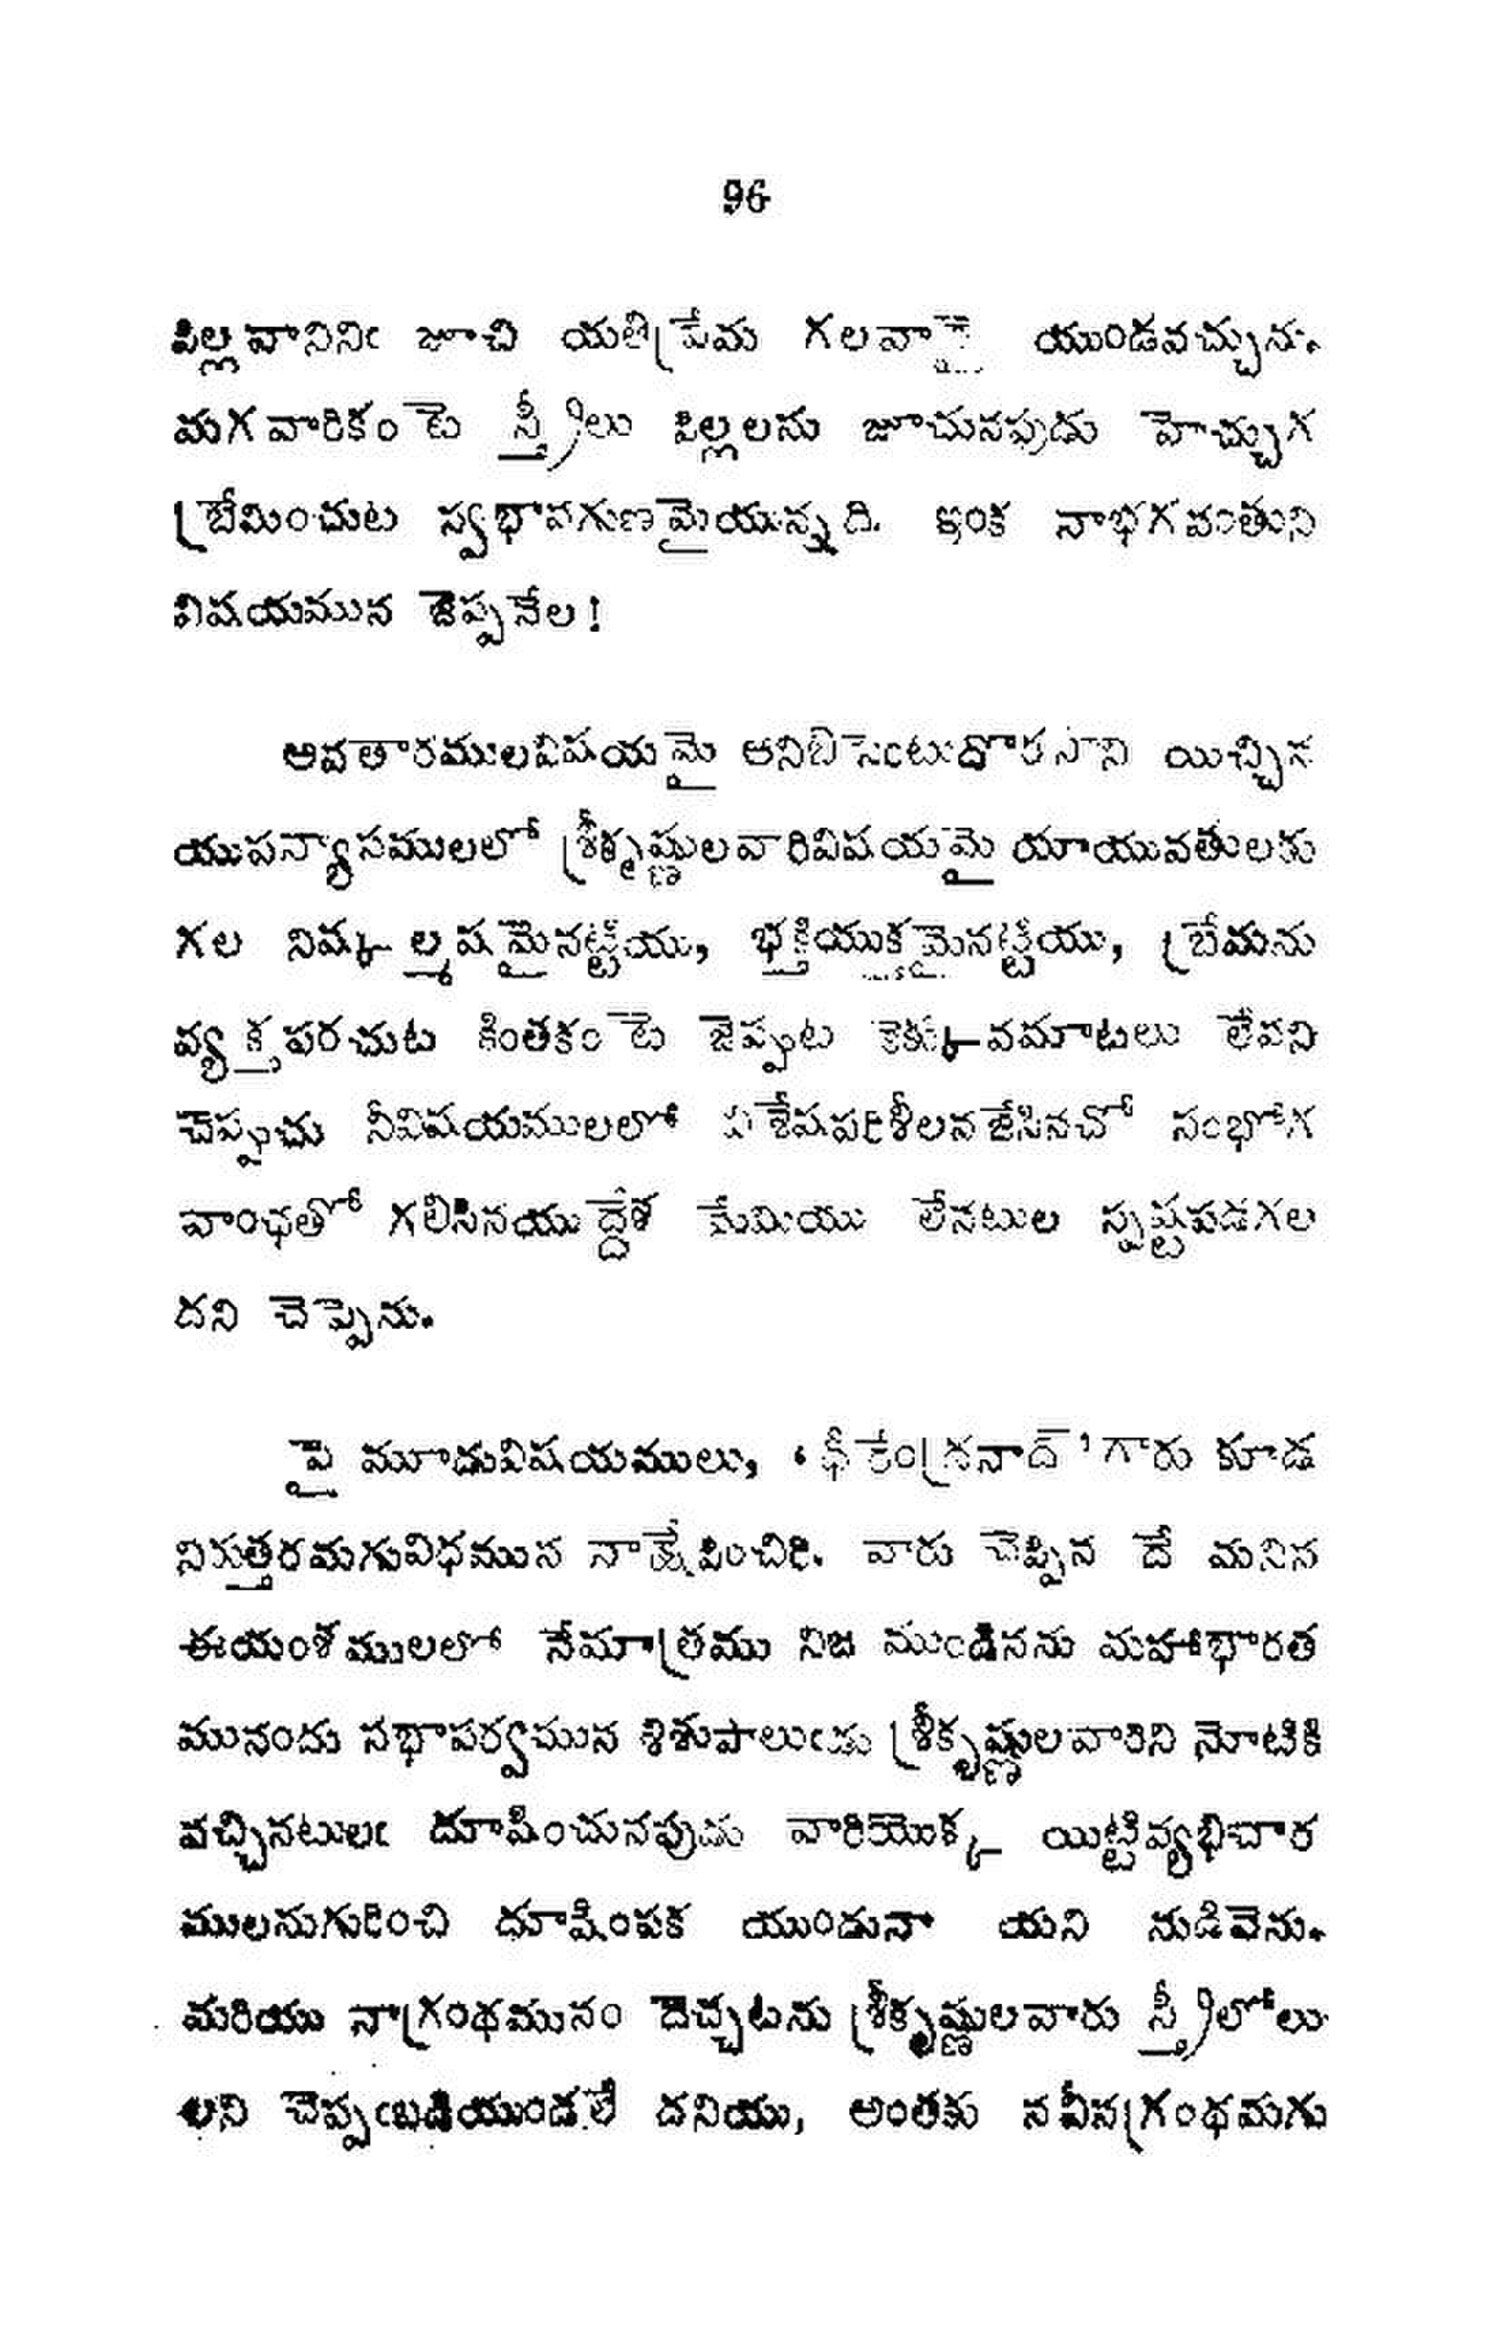పిల్లవానినిఁ జూచి యతిప్రేమ గలవారై యుండవచ్చును. మగవారికంటె స్త్రీలు పిల్లలను జూచునపుడు హెచ్చుగ బ్రేమించుట స్వభావగుణమైయున్నది. ఇంక నాభగవంతుని విషయమున జెప్పనేల !

అవతారములవిషయమై ఆనిబిసెంటుదొరసాని యిచ్చిన యుపన్యాసములలో శ్రీకృష్ణులవారి విషయమై యాయువతులకు గల నిష్కల్మషమైనట్టియు, భక్తియుక్త మైనట్టియు, బ్రేమను వ్యక్తపరచుట కింతకంటె జెప్పుట కెక్కువమాటలు లేవని చెప్పుచు నీవిషయములలో విశేషపరిశీలనజేసినచో సంభోగ
వాంఛతో గలీసినయుద్దేశ మేమియు లేనటుల స్పష్టపడగలదని చెప్పెను.

పై మూడువిషయములు, 'ధీరేంద్రనాద్ ' గారు కూడ నిరుత్తరమగువిధమున నాక్షేపించిరి. వారు చెప్పిన దే మనిన ఈయంశములలో నేమాత్రము నిజ ముండినను మహాభారతమునందు సభాపర్వమున శిశుపాలుఁడు శ్రీకృష్ణులవారిని నోటికి వచ్చినటులఁ దూషించునపుడు వారియొక్క యిట్టివ్యభిచారములనుగురించి ధూషింపక యుండునా యని నుడివెను. మరియు నాగ్రంథమునం దెచ్చటను శ్రీకృష్ణులవారు స్త్రీలోలు లని చెప్పఁబడియుండలే దనియు, అంతకు నవీసగ్రంథమగు